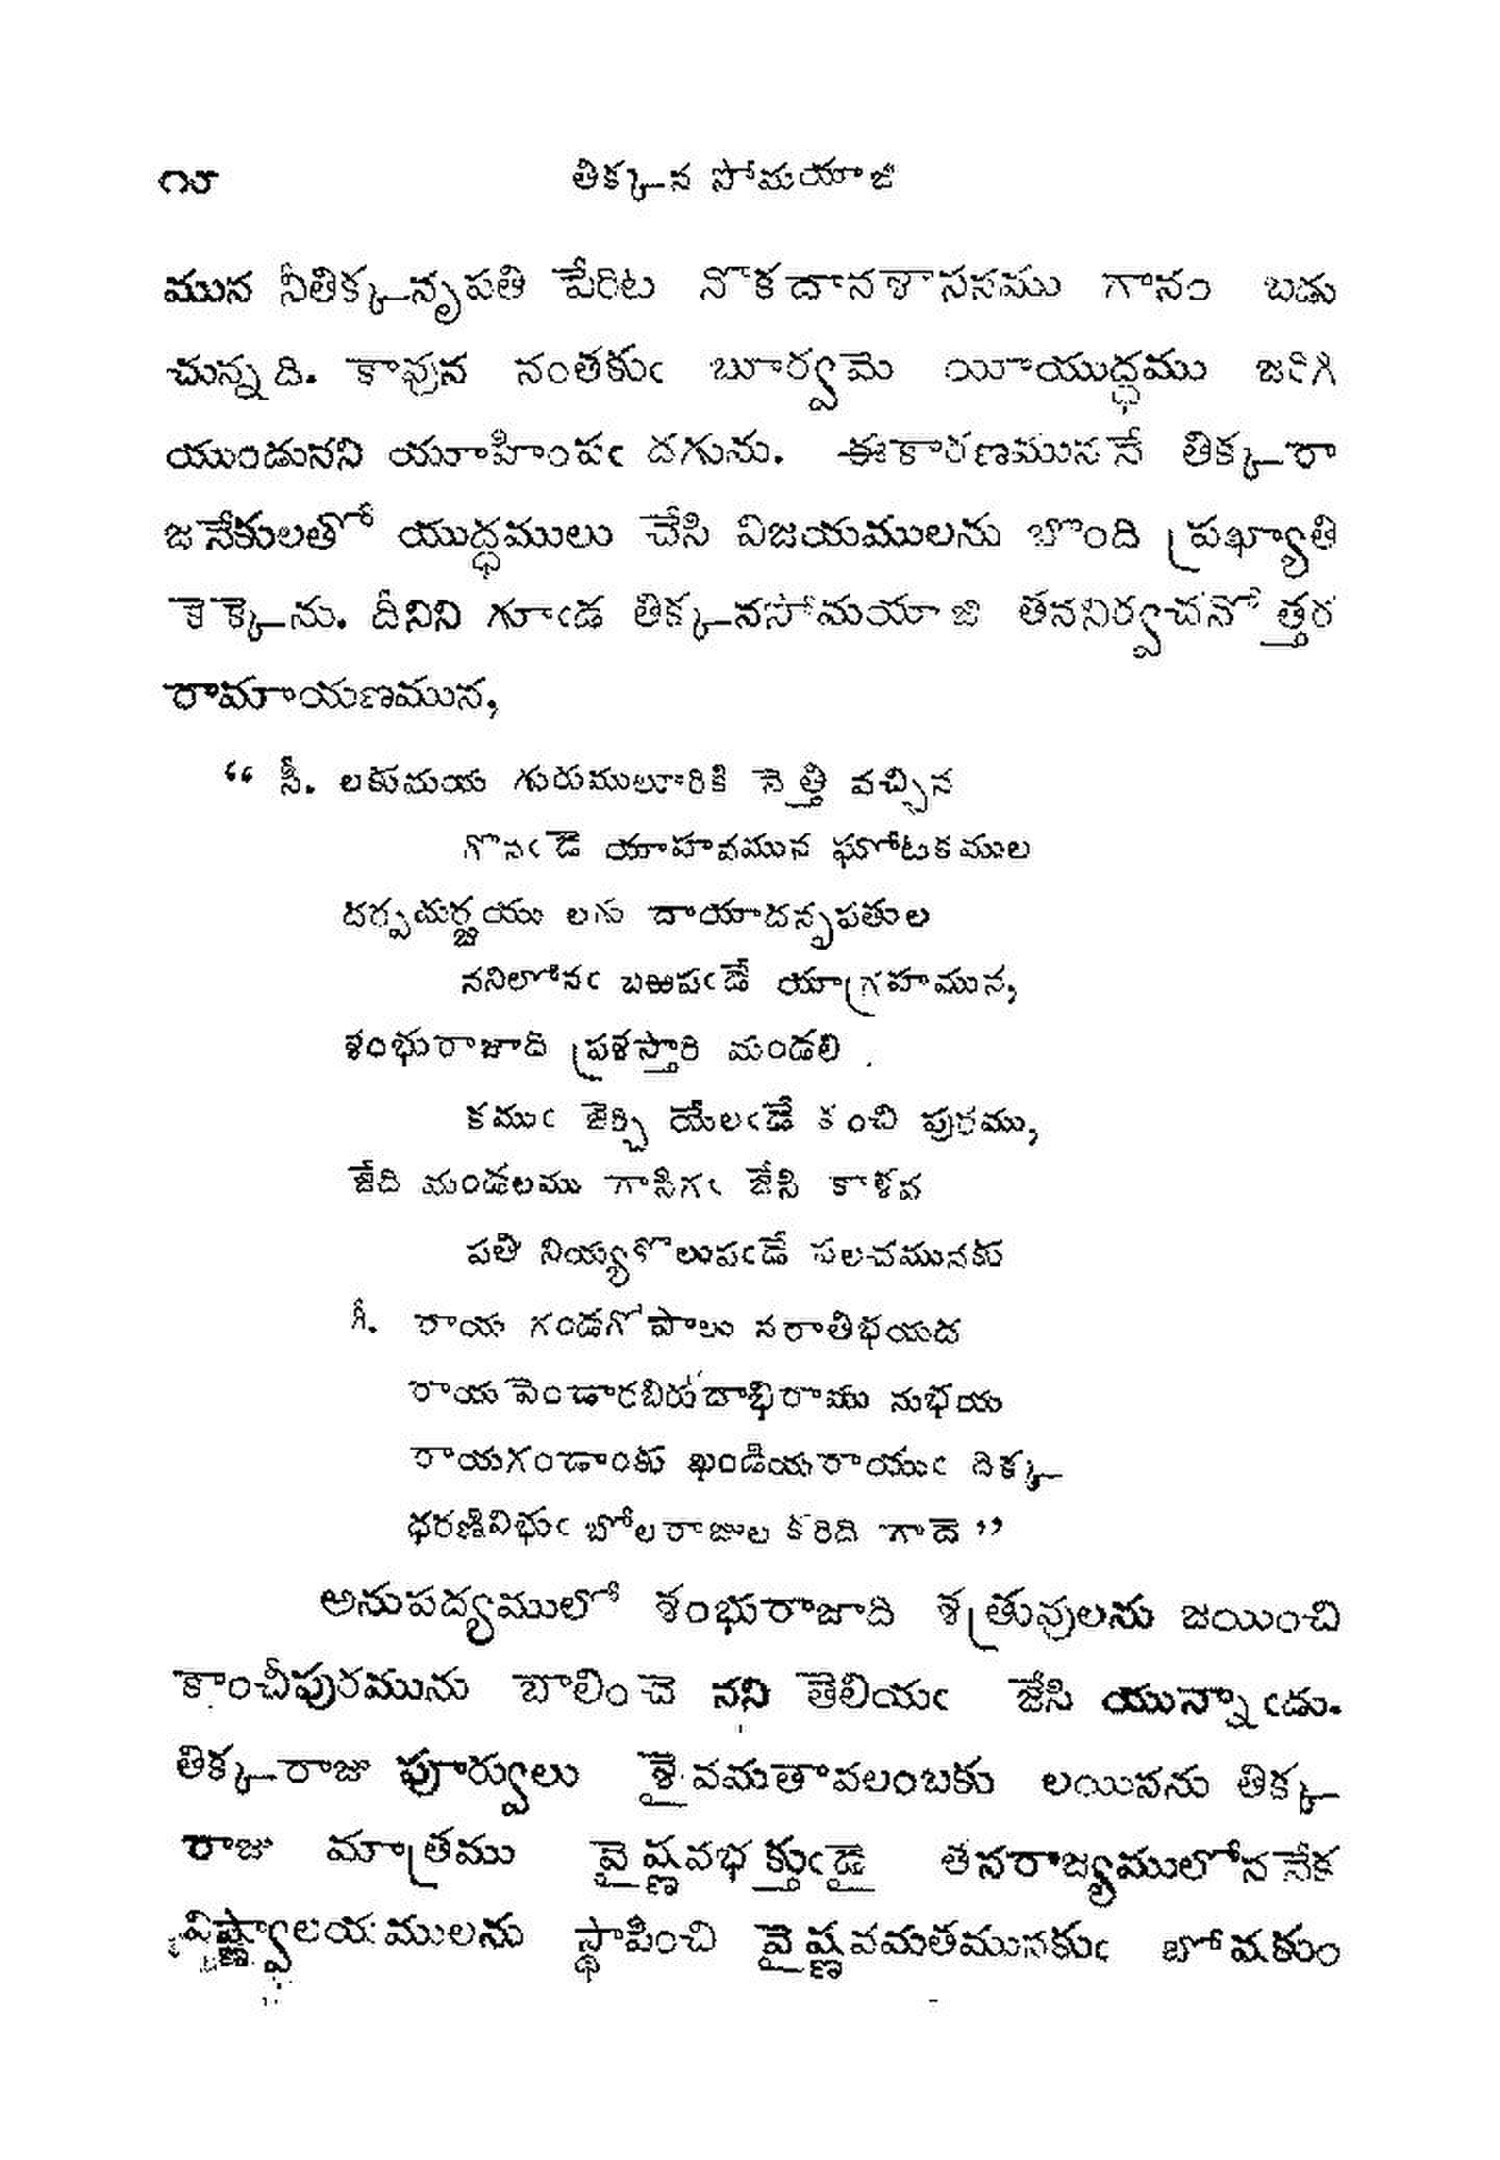మున నీతిక్కనృపతి పేరిట నొకదానశాసనము గానం బడుచున్నది. కావున నంతకుఁ బూర్వమె యీయుద్ధము జరిగి యుండునని యూహింపఁ దగును. ఈకారణముననే తిక్కరాజనేకులతో యుద్ధములు చేసి విజయములను బొంది ప్రఖ్యాతి కెక్కెను. దీనిని గూఁడ తిక్కనసోమయాజి తననిర్వచనోత్తర రామాయణమున, 

"సీ. లకుమయ గురుములూరికి నెత్తి వచ్చిన
 గొనఁడె యాహవమున ఘోటకముల 
 దర్పదుర్జయు లగు దాయాదనృపతుల
 ననిలోనఁ బఱపఁడే యాగ్రహమున, 
 శంభురాజాది ప్రశస్తారి మండలి 
 కముఁ జేర్చి యేలఁడే కంచి పురము, 
 జేధి మండలము గాసిగఁ జేసి కాళవ
 పతి నియ్యకొలుపఁడే పలచమునకు 

గీ. రాయ గండగోపాలు నరాతిభయద 
 రాయ పెండారబిరుదాభిరాము నుభయ 
 రాయగండాంకు ఖండియరాయుఁ దిక్క 
 ధరణివిభుఁ బోలరాజుల కరిది గాదె"
అనుపద్యములో శంభురాజాది శత్రువులను జయించి కాంచీపురమును బాలించె నని తెలియఁ జేసి యున్నాఁడు. తిక్కరాజు పూర్వులు శైవమతావలంబకు లయినను తిక్కరాజు మాత్రము వైష్ణవభక్తుఁడై తనరాజ్యములోననేక విష్ణ్వాలయములను స్థాపించి వైష్ణవమతమునకుఁ బోషకుం